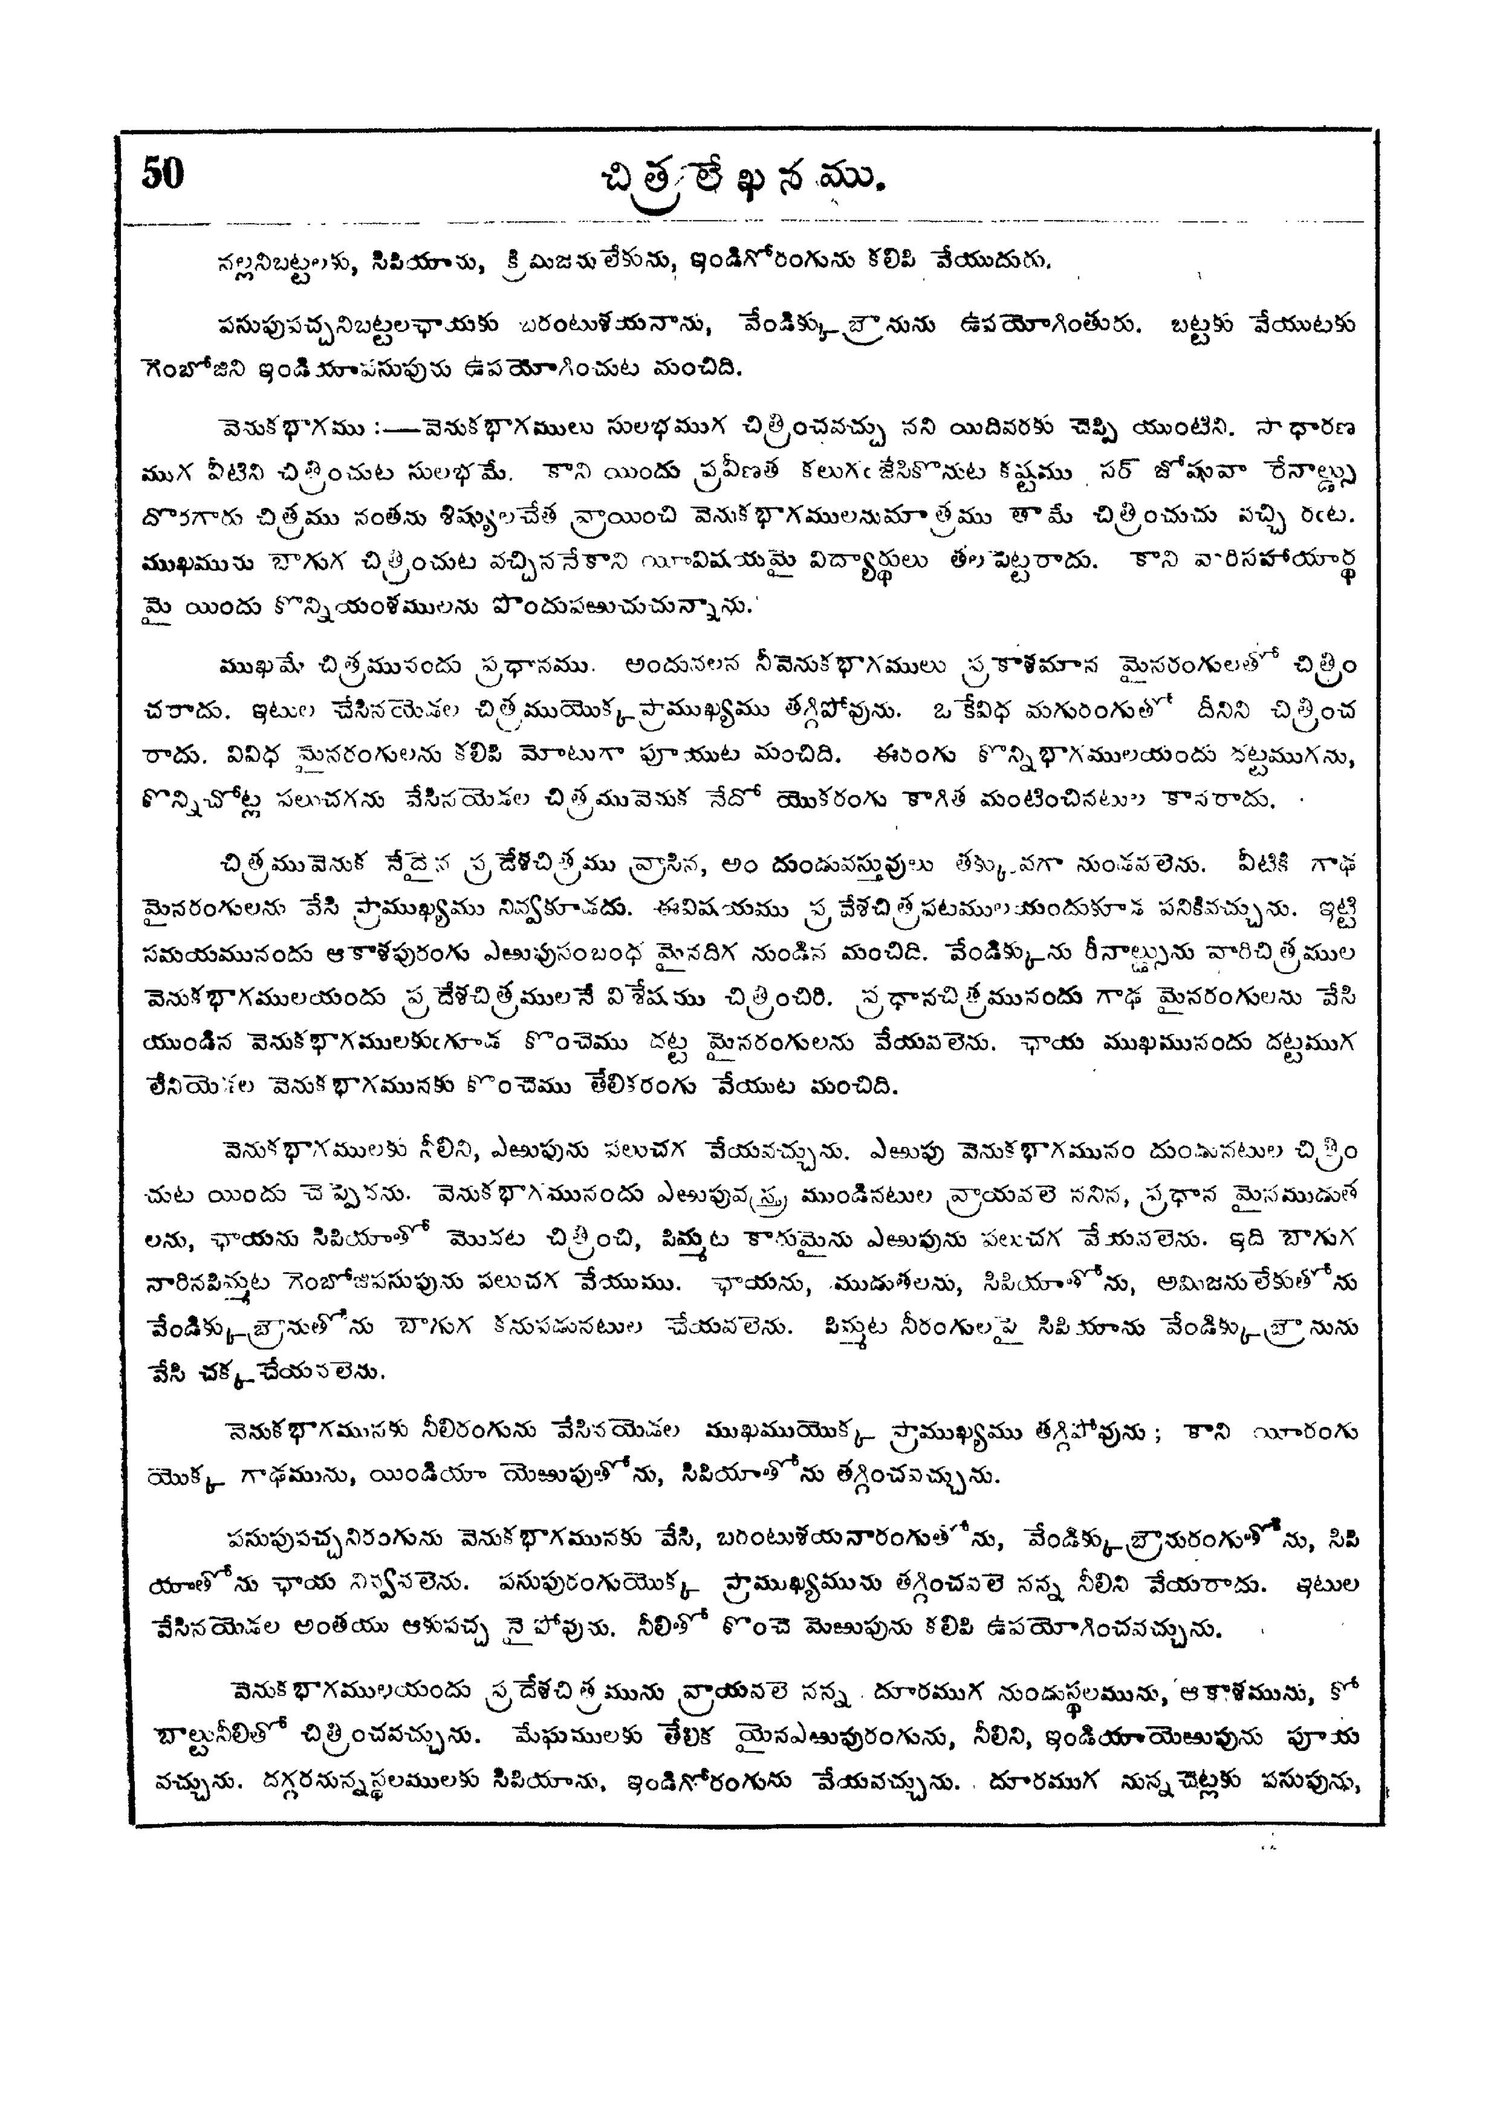నల్లనిబట్టలకు, సిపియాను, క్రిమిజనులేకును, ఇండిగోరంగును కలిపి వేయుదురు.

పసుపుపచ్చని బట్టలఛాయకు బరంటుశయనాను, వేండిక్కుబ్రౌనును ఉపయోగింతురు. బట్టకు వేయుటకు గెంబోజిని ఇండియాపసుపును ఉపయోగించుట మంచిది.

వెనుకభాగము:- వెనుకభాగములు సులభముగ చిత్రించవచ్చు నని యిదివరకు చెప్పి యుంటిని. సాధారణముగ వీటిని చిత్రించుట సులభమే. కాని యిందు ప్రవీణత కలుగజేసికొనుట కష్టము సర్ జోషువా రేనాల్డ్సు దొరగారు చిత్రము నంతను శిష్యులచేత వ్రాయించి వెనుకభాగములనుమాత్రము తామే చిత్రించుచు వచ్చిరట. ముఖమును బాగుగ చిత్రించుట వచ్చిననేకాని యీవిషయమై విద్యార్థులు తలపెట్టరాదు. కాని వారిసహాయార్థమై యిందు కొన్నియంశములను పొందుపఱుచుచున్నాను.

ముఖమే చిత్రమునందు ప్రధానము. అందువలన నీవెనుకభాగములు ప్రకాశమాన మైనరంగులతో చిత్రించరాదు. ఇటుల చేసినయెడల చిత్రముయొక్క ప్రాముఖ్యము తగ్గిపోవును. ఒకేవిధ మగురంగుతో దీనిని చిత్రించరాదు. వివిధ మైనరంగులను కలిపి మోటుగా పూయుట మంచిది. ఈరంగు కొన్నిభాగములయందు దట్టముగను, కొన్నిచోట్ల పలుచగను వేసినయెడల చిత్రమువెనుక నేదో యొకరంగు కాగిత మంటించినటుల కానరాదు.

చిత్రమువెనుక నేదైన ప్రదేశచిత్రము వ్రాసిన, అం దుండువస్తువులు తక్కువగా నుండవలెను. వీటికి గాడమైన రంగులను వేసి ప్రాముఖ్యము నివ్వకూడదు. ఈవిషయము ప్రదేశచిత్రపటములయందుకూడ పనికివచ్చును. ఇట్టి సమయమునందు ఆకాశపురంగు ఎఱుపుసంబంధ మైనదిగ నుండిన మంచిది. వేండిక్కును రీనాల్డ్సును వారిచిత్రముల వెనుకభాగములయందు ప్రదేశచిత్రములనే విశేషము చిత్రించిరి. ప్రధానచిత్రమునందు గాడ మైనరంగులను వేసియుండిన వెనుకభాగములకుగూడ కొంచెము దట్ట మైనరంగులను వేయవలెను. ఛాయ ముఖమునందు దట్టముగ లేనియెడల వెనుకభాగమునకు కొంచెము తేలికరంగు వేయుట మంచిది.

వెనుకభాగములకు నీలిని, ఎఱుపును పలుచగ వేయవచ్చును. ఎఱుపు వెనుకభాగమునం దుండునటుల చిత్రించుట యిందు చెప్పెదను. వెనుకభాగమునందు ఎఱుపువస్త్ర ముండినటుల వ్రాయవలె ననిన, ప్రధాన మైనముడుతలను, ఛాయను సిపియాతో మొదట చిత్రించి,పిమ్మట కారుమైను ఎఱుపును పలుచగ వేయవలెను. ఇది బాగుగ నారినపిమ్మట గెంబోజిపసుపును పలుచగ వేయుము. ఛాయను, ముడుతలను, సిపియాతోను, అమిజనులేకుతోను వేండిక్కుబ్రౌనుతోను బాగుగ కనుపడునటుల చేయవలెను. పిమ్మట నీరంగులపై సిపియాను వేండిక్కుబ్రౌనును వేసి చక్కచేయవలెను.

వెనుకభాగమునకు నీలిరంగును వేసినయెడల ముఖముయొక్క ప్రాముఖ్యము తగ్గిపోవును. కాని యీరంగుయొక్క గాడమును, యిండియా యెఱుపుతోను, సిపియాతోను తగ్గించవచ్చును.

పసుపుపచ్చనిరంగును వెనుకభాగమునకు వేసి, బరంటుశయనారంగుతోను, వేండిక్కుబ్రౌనురంగుతోను, సిపియాతోను ఛాయ నివ్వవలెను. పసుపురంగుయొక్క ప్రాముఖ్యమును తగ్గించవలె నన్న నీలిని వేయరాదు. ఇటుల వేసినయెడల అంతయు ఆకుపచ్చ నైపోవును. నీలితో కొంచె మెఱుపును కలిపి ఉపయోగించవచ్చును.

వెనుకభాగములయందు ప్రదేశచిత్రమును వ్రాయవలె నన్న దూరముగ నుండుస్థలమును, ఆకాశమును, కోబాల్టునీలితో చిత్రించవచ్చును. మేఘములకు తేలిక యైనఎఱుపురంగును, నీలిని, ఇండియాయెఱుపును పూయవచ్చును. దగ్గరనున్నస్థలములకు సిపియాను, ఇండిగోరంగును వేయవచ్చును. దూరముగ నున్న చెట్లకు పసుపును,